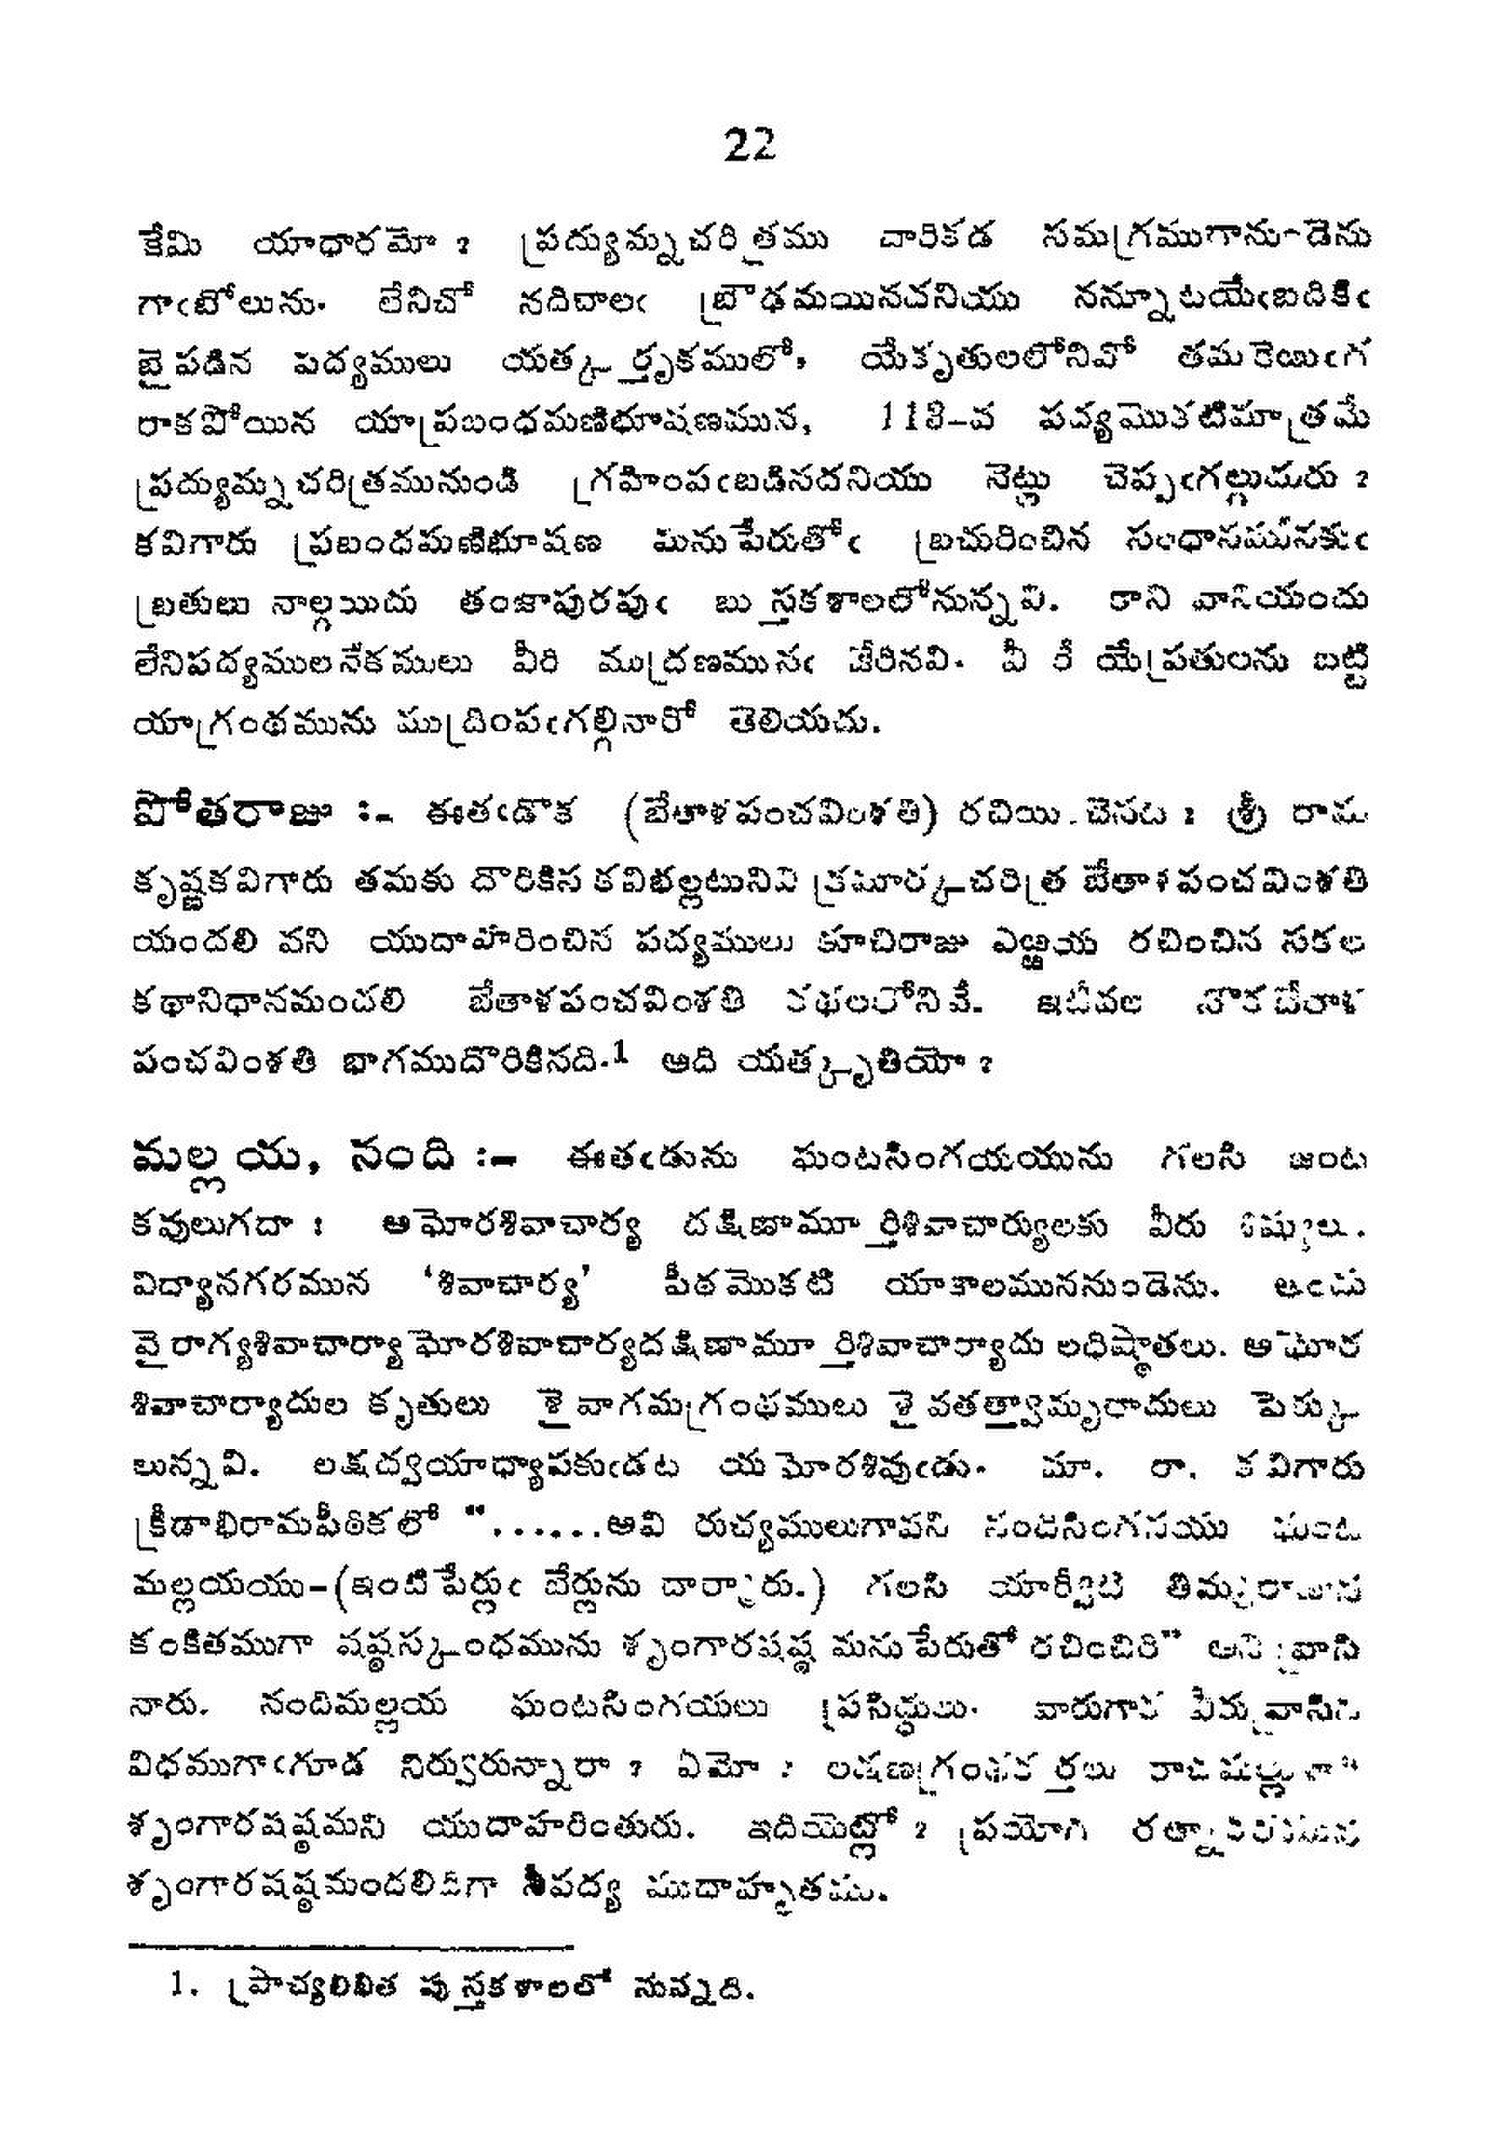కేమి యాధారమో ? ప్రద్యుమ్న చరిత్రము చారికడ సమగ్రముగానుండెను
గాఁబోలును. లేనిచో నదిచాలఁ బ్రౌఢమయినదనియు నన్నూటయేఁబదికిఁ
బై పడిన పద్యములు యత్కర్తృకములో, యేకృతులలోనివో తమ రేఱుగ
రాకపోయిన యాప్రబంధ మణిభూషణమున, 113-వ పద్యమొకటి మాత్రమే
ప్రద్యుమ్న చరిత్రమునుండి గ్రహింపఁబడినదనియు నెట్లు చెప్పఁగల్గుదురు?
కవిగారు ప్రబంధమణిభూషణ మను పేరుతోఁ బ్రచురించిన సంధాసమునకుఁ
బ్రతులు నాల్గయిదు తంజాపురపుఁ బుస్తకశాలలోనున్నవి. కాని వానియందు
లేనిపద్యముల నేకములు వీరి ముద్రణమునఁ జేరీసవి. వీరే యేప్రతులను బట్టి
యాగ్రంథమును ముద్రింపఁగల్గినారో తెలియదు.

పోతరాజు :- ఈతఁడొక (బేతాళ పంచవింశతి) రచియించెనట : శ్రీ రాము
కృష్ణకవిగారు తమకు దొరికిన కవిభల్లటుని విక్రమార్క చరిత్ర బేతాళ పంచమిశతి
యందలి వని యుదాహరించిన పద్యములు కూచిరాజు ఎఱ్ఱయ రచించిన సకల
కథానిధానమండలి బేతాళ పంచవింశతి కథలలోనివే. ఇటీవల నొకరు
పంచవింశతి భాగము దొరికినది.1 ఆదీ యత్కృతియో ?

మల్లయ, నంది :- ఈతఁడును ఘంటసింగయయును గలసి
కవులుగదా ! అఘోరశివాచార్య దక్షిణామూర్తి శివాచార్యులకు వీరు శిష్యులు.
విద్యానగరమున శివాచార్య' పీఠమొకటి యాకాలముననుండెను.అందు
వైరాగ్యశివాచార్యా ఘోరశివాచార్యదక్షిణామూ ర్తి శివాచార్యాదు లధిష్ఠాతలు. ఆఘోర
శివాచార్యాదుల కృతులు శైవాగమగ్రంథములు శైవతత్త్వామృగాదులు పెక్కు
లున్నవి. లక్షద్వయాధ్యాపకుఁడట యమోరశివుఁడు. మా. రా, కవిగారు
క్రీడాభి రామపీఠిక లో "......అవి రుచ్యములుగావని సంజసింగసము ఘంట
మల్లయయు-(ఇంటి పేర్లుఁ బేర్లును దార్చారు.) గలసి యార్వీటి తిమ్మరాజున
కంకితముగా షష్టస్కంధమును శృంగారషష్ఠ మసు పేరుతో రచించిరి" ఆని వ్రాసి
నారు. నందిమల్లయ ఘంటసింగయలు ప్రసిద్ధులు. వారుగాక వీరు వ్రాసిన.
విధముగాఁగూడ నిర్వురున్నారా ? ఏమో : లక్షణ గ్రంశకర్తలు రాచమల్లు నా
శృంగారషష్ఠమని యుదాహరింతురు. ఇదియేట్లో ఆ ప్రయోగ రత్నాకరమున
శృంగారషష్ఠమందలిదిగా నీవద్య ముదాహృతము.

1.